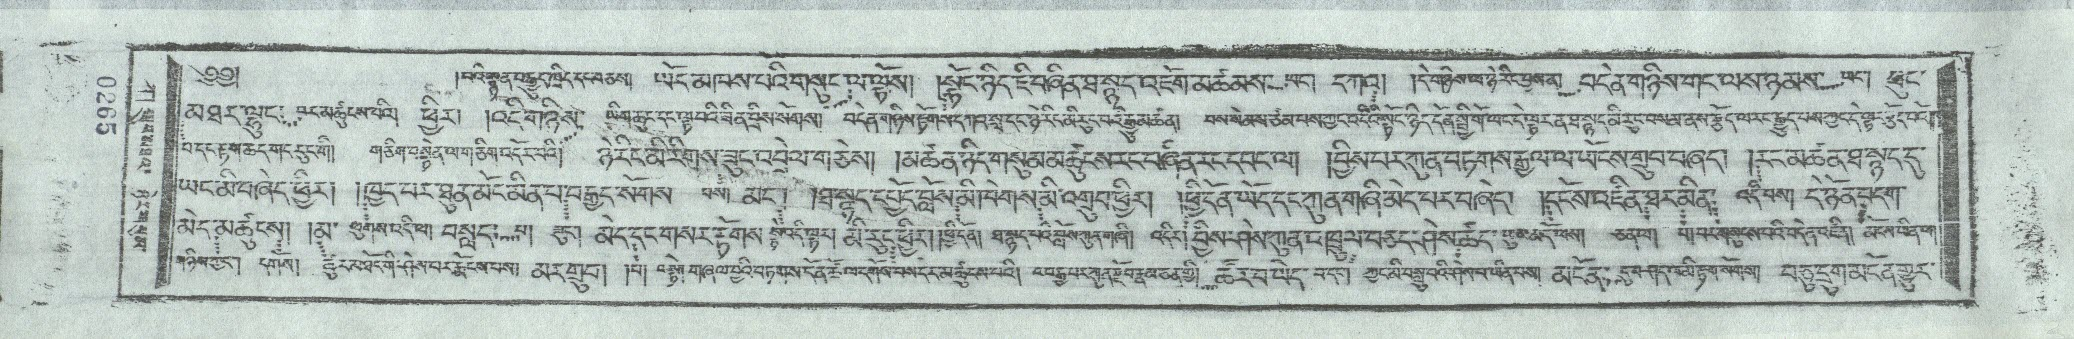༄༅། །བའི་སྙན་བརྒྱུད་ཁྲིད་དང་བཅས། ཡོད་མཁས་པའི་གསུང་ལ་ལྟོས། །སྟོང་ཉིད་ཇི་བཞིན་ཐ་སྙད་འཇོག་མཚམས་ལན། དཀའ། །དེ་གཉིས་ལ་ཉེ་རིང་བྱས་མ། བདེན་གཉིས་གང་ལས་ཉམས་པར། ཕུང་
མཐར་ལྷུང་བར་མཚུངས་པའི། ཕྱིར། །འདི་གཉིས་ཡིག་ཆུང་དང་ལྟ་བའི་ཟིན་བྲིས་སོགས། བདེན་གཉིས་རྟོགས་དཀའ་སླ་དང་ཉེ་རིང་མི་རུང་བའི་རྒྱུ་མཚན། བས་སེམས་ཙམ་པས་ཀྱང་བདིའི་སྟོང་ཉིད་དེན་སྤྱི་གོ་ཡང་དེ་ལྟར་ན་ཐ་སྙད་མི་རུང་བསམ་ནས་རྫས་རྩོད་ལ་རང་རྒྱུད་བས་ཀྱང་དེ། བརྩོད་པའོ།
པ་དང་རྟག་ཆད་གང་རུང་གི། གཅིག་བསྟེན་པ་གཅིག་འདོར་བའི། ཉེ་རིང་མི་རིགས་ཟུང་འབྲེལ་གཅེས། །མཚན་ཉིད་གསུམ་མཚུངས་རང་བཞིན་རང་དབང་ལ། །བྱིས་པར་ཀུན་བཏགས་རྒྱལ་ལ་ཡོངས་གྲུབ་བཞད། །རང་མཚན་ཐ་སྙད་དུ་
ཡང་མི་བཞེད་ཕྱིར། །ཁྱད་པར་ཐུན་མོང་མིན་པ་བརྒྱད་སོགས་བས། མང་། །ཐ་སྙད་དཔྱོད་བློས་མི་ཁེགས་མི་འགྲུབ་ཕྱིར། །ཕྱི་དོན་ཡོད་དང་ཀུན་གཞི་མེད་པར་བཞེད། །དངོས་འཛིན་ཐར་མིན། འདི་པས། དེ་ཉོན་པ་དག་
མེད་མཚུངས། །མ་ཕུགས་འདི་ལ། བསླད་པ། ཟུང་། མེད་དང་གསར་རྟོགས་སྟེ་འདི་ལྟར། མི་རུང་ཕྱིར། །ཕྱི་དོན། བསྙད་བའི་བློས་ཀུན་གཞི། འདིར། བྱིས་ཤེས་ཀུན་འཁྲུལ་བཅད་ཤེས་ཚད་ཕུལ་མདོ་ལས། ཅན་ལ། བ། བས་གསུངས་བའི་བདེན་འཛིན། ??ཡིན་པ་
གཉིས་ཀྱང་། དགོས། ཚུར་མཐོང་གི་ཤེས་པར་རྨོངས་པས། མར་གྲུབ། །ག་བསྟེ། །གཞལ་བྱའི་བཏགས་དོན་ཚོལ་དགོས་བས་དེར་མཚུངས་པའི། རབ་རྒྱ་པར་ཀུན་??རྣམ་ཅན་གྱི། ཚོར་བའི་ཡིད་བ་དང་། ཀྱང་མི་བསྒྲུ་བའི་ཤེས་པ་ཡིན་བས། མངོང་དུ་བཤད་?མི་རྟག་སོགས། བཅུ་དྲུག་མངོན་གྱུར་